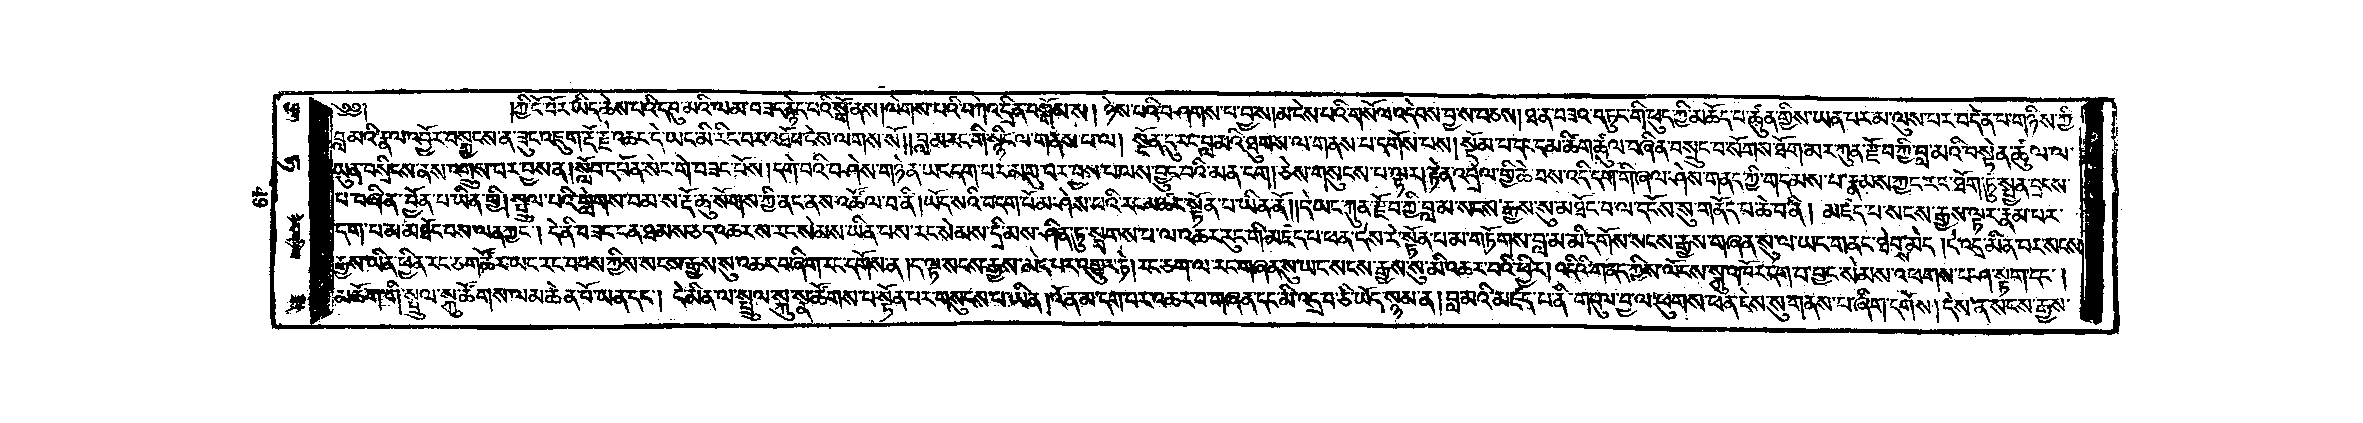༄༅། །ཀྱི་ངོ་བོར་ཡིད་ཆེས་པའི་དབུ་མའི་ལམ་བཟང་རྙེད་པའི་སྒོ་ནས། ལེགས་པའི་བཀའ་དྲིན་བསྒོམས། ཉེས་པའི་བཤགས་པ་བྱས། མ་ངེས་པའི་གསོལ་འདེབས་བྱ་ས་བཅས། ཐ་ན་བཟའ་བཏུང་གི་ཕུད་ཀྱི་མཆོད་པ་ཚུན་གྱིས་ཡན་པར་མ་ལུས་པར་བདེན་པ་གཉིས་ཀྱི་
བླ་མའི་རྣལ་འབྱོར་བསྐྱངས་ན་ཟུང་འཇུག་རྡོ་རྗེ་འཆང་དེ་ཡང་མི་རིང་བར་འཐོབ་ངེས་ལགས་སོ། །བླ་མ་རང་གི་སྙིང་ལ་གནས་པ་ལ། སྔོན་དུ་རང་བླ་མའི་ཐུགས་ལ་གནས་པ་དགོས་པས། སྡོམ་པ་དང་དམ་ཚིག་ཚུལ་བཞིན་བསྲུང་བ་སོགས་ཐོག་མར་ཀུན་རྫོབ་ཀྱི་བླ་མའི་བསྟེན་ཚུལ་ལ་
ཡུན་བསྲིངས་ནས་འགྲུས་པར་བྱས་ན། སློབ་དཔོན་སེང་གེ་བཟང་པོས། དགེ་བའི་བཤེས་གཉེན་ཡང་དག་པར་མགུ་བར་བྱས་པ་ལས་བྱུང་བའི་མན་ངག །ཅེས་གསུངས་པ་ལྟར། རྟེན་འབྲེལ་གྱི་ཆེ་བས་འདི་དག་གི་ཞལ་ཤེས་གནད་ཀྱི་གདམས་པ་རྣམས་ཀྱང་རང་ཐོག་ཏུ་སྤྱན་བྲངས་
པ་བཞིན་བྱོན་པ་ཡིན་གྱི། སྤྲུལ་པའི་གླེགས་བམ་ས་རྡོ་ཆུ་སོགས་ཀྱི་ནང་ནས་འཚོལ་བ་ནི། ཡོད་སའི་བདག་པོ་མ་ཤེས་པའི་རང་མཚང་སྟོན་པ་ཡིན་ནོ། །དེ་ཡང་ཀུན་རྫོབ་ཀྱི་བླ་མ་སངས་རྒྱས་སུ་མཐོང་བ་ལ་དངོས་སུ་གནོད་པ་ཆེ་བ་ནི། མཛད་པ་སངས་རྒྱས་ལྟར་རྣམ་པར་
དག་པ་མ་མཐོང་བས་ལན་ཀྱང་། དེ་ནི་བཟང་ངན་ཐམས་ཅད་འཆར་ས་རང་སེམས་ཡིན་པས་རང་སེམས་དྲི་མས་ཤིན་ཏུ་སྦགས་པ་ལ་འཆར་རུང་གི་མཛད་པ་ཕན་དེས་རེ་སྟོན་པ་མ་གཏོགས་བླ་མ་མི་དགོས་སངས་རྒྱས་གཞན་སུ་ལ་ཡང་གནང་ཐེབས་མེད། དེ་འདྲ་མིན་པར་སངས་
རྒྱས་ཡིན་ཕྱིན་རང་ཅག་ཚོར་ཡང་རང་བབས་ཀྱིས་སངས་རྒྱས་སུ་འཆར་བ་ཞིག་རང་དགོས་ན། ད་ལྟ་སངས་རྒྱས་མེད་པར་འགྱུར་ཏེ། རང་ཅག་ལ་རང་གཞན་སུ་ཡང་སངས་རྒྱས་སུ་མི་འཆར་བའི་ཕྱིར། འདིའི་གནད་ཀྱིས་ལོངས་སྐུ་འཁོར་དག་པ་བྱང་སེམས་འཕགས་པ་ཤ་སྟག་དང་།
མཆོག་གི་སྤྲུལ་སྐུ་ཚོགས་ལམ་ཆེན་པོ་ཡན་དང་། དེ་མིན་ལ་སྤྲུལ་སྐུ་སྣ་ཚོགས་པ་སྟོན་པར་གསུངས་པ་ཡིན། འོ་ན་མ་དག་པར་འཆར་བ་གཞན་དང་མི་འདྲ་བ་ཅི་ཡོད་སྙམ་ན། བླ་མའི་མཛད་པ་ནི་གདུལ་བྱ་ལ་ཕུགས་ཕན་ངེས་སུ་གནས་པ་ཞིག་དགོས། དེས་ན་སངས་རྒྱས་